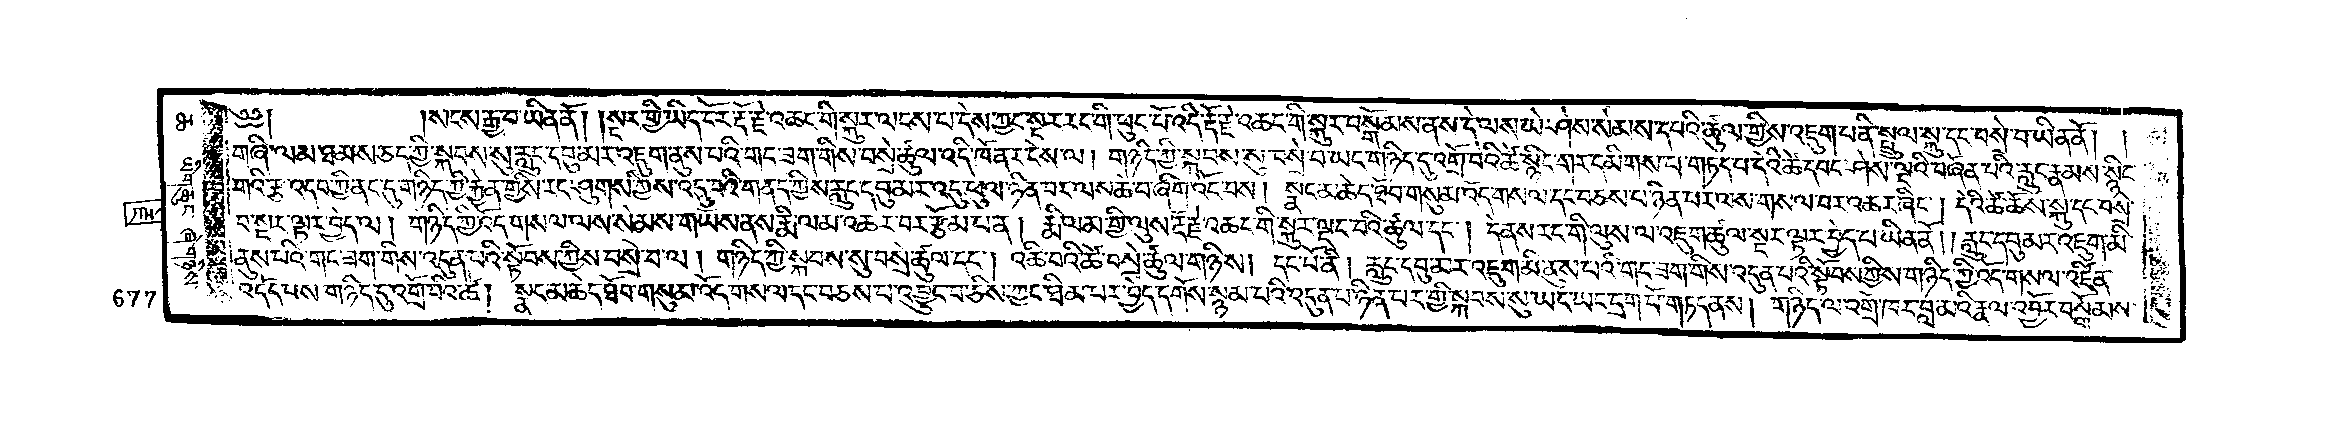༄༅། །སངས་རྒྱ་བ་ཡིན་ནོ། །སྔར་གྱི་ཡིད་ངོར་རྡོ་རྗེ་འཆང་གི་སྐུར་ལངས་པ་དེས་ཀྱང་སྔར་རང་གི་ཕུང་པོ་འདི་རྡོ་རྗེ་འཆང་གི་སྐུར་བསྒོམས་ནས་དེ་ལས་ཡེ་ཤེས་སེམས་དཔའི་ཚུལ་གྱིས་འཇུག་པ་ནི་སྤྲུལ་སྐུ་དང་བསྲེ་བ་ཡིན་ནོ། །
གཞི་ལམ་ཐམས་ཅད་ཀྱི་སྐབས་སུ་རླུང་དབུ་མར་འཇུག་ནུས་པའི་གང་ཟག་གིས་བསྲེ་ཚུལ་འདི་ཁོ་ནར་ངེས་ལ། གཉིད་ཀྱི་སྐབས་སུ་བསྲེ་བ་ཡང་གཉིད་དུ་འགྲོ་བའི་ཚེ་སྙིང་གར་དམིགས་པ་གཏད་པ་དེའི་ཚེ་དབང་ཤེས་ལྔའི་བཞོན་པའི་རླུང་རྣམས་སྙིང་
གའི་རྩ་འདབ་ཀྱི་ནང་དུ་གཉིད་ཀྱི་རྐྱེན་གྱིས་རང་ཤུགས་ཀྱིས་འདུ་བའི་གནད་ཀྱིས་རླུང་དབུ་མར་འདུ་ཕུལ་ཉིན་བར་ལས་ཆེ་བ་ཞིག་འོང་བས། སྣང་མཆེད་ཐོབ་གསུམ་འོད་གསལ་དང་བཅས་པ་ཉིན་པར་ལས་གསལ་བར་འཆར་ཞིང་། དེའི་ཚེ་ཆོས་སྐུ་དང་བསྲེ་
བ་སྔར་ལྟར་བྱེད་ལ། གཉིད་ཀྱི་འོད་གསལ་ལས་སེམས་གཡོས་ནས་རྨི་ལམ་འཆར་བར་རྩོམ་པ་ན། རྨི་ལམ་གྱི་ལུས་རྡོ་རྗེ་འཆང་གི་སྐུར་ལྡང་བའི་ཚུལ་དང་། དེ་ནས་རང་གི་ལུས་ལ་འཇུག་ཚུལ་སྔར་ལྟར་བྱེད་པ་ཡིན་ནོ། །རླུང་དབུ་མར་འཇུག་མི་
ནུས་པའི་གང་ཟག་གིས་འདུན་པའི་སྟོབས་ཀྱིས་བསྲེ་བ་ལ། གཉིད་ཀྱི་སྐབས་སུ་བསྲེ་ཚུལ་དང་། འཆི་བའི་ཚེ་བསྲེ་ཚུལ་གཉིས། དང་པོ་ནི། རླུང་དབུ་མར་འཇུག་མི་ནུས་པའི་གང་ཟག་གིས་འདུན་པའི་སྟོབས་ཀྱིས་གཉིད་ཀྱི་འོད་གསལ་འཛིན་
འདོད་པས་གཉིད་དུ་འགྲོ་བའི་ཚེ། སྣང་མཆེད་ཐོབ་གསུམ་འོད་གསལ་དང་བཅས་པ་འབྱུང་བ་ཅིས་ཀྱང་ཐིམ་པར་བྱེད་དགོས་སྙམ་པའི་འདུན་པ་ཉིན་པར་གྱི་སྐབས་སུ་ཡང་ཡང་དྲག་པོ་གཏད་ནས། གཉིད་ལ་འགྲོ་ཁར་བླ་མའི་རྣལ་འབྱོར་བསྒོམས་